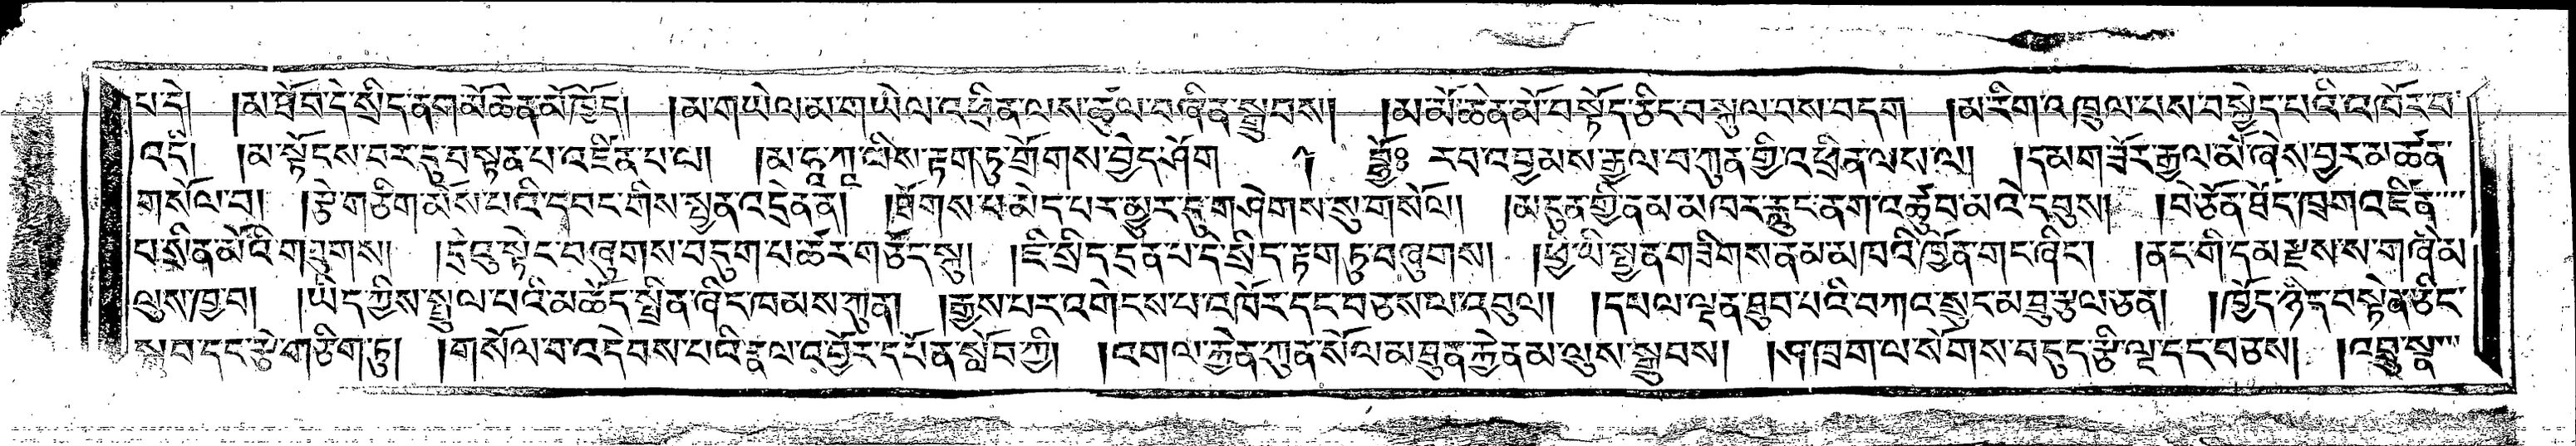པ་དེ། །མ་ཐོབ་དེ་སྲིད་ནག་མོ་ཆེན་མོ་ཁྱོད། །མ་གཡེལ་མ་གཡེལ་འཕྲིན་ལས་ཚུལ་བཞིན་སྒྲུབས། །མ་མོ་ཆེན་མོ་བསྟོད་ཅིང་བསྐུལ་བས་བདག །མ་རིག་འཁྲུལ་པས་བསྐྱེད་པའི་འཁོར་བ་
འདི། །མ་སྟོངས་བར་དུ་བསྟན་པ་འཛིན་པ་ལ། །མ་ཧཱ་ཀཱ་ལིས་རྟག་ཏུ་གྲོགས་བྱེད་ཤོག ༈ བྷྱོཿ རབ་འབྱམས་རྒྱལ་བ་ཀུན་གྱི་འཕྲིན་ལས་ལ། །དམག་ཟོར་རྒྱལ་མོ་ཞེས་བྱར་མཚན་
གསོལ་བ། །རྩི་གཅིག་མོས་པའི་དབང་གིས་སྤྱན་འདྲེན་ན། །ཐོགས་པ་མེད་པར་མྱུར་དུ་གཤེགས་སུ་གསོལ། །མདུན་གྱི་ནམ་མཁར་རླུང་ནག་འཚུབ་མའི་དབུས། །བེ་ཅོན་ཐོད་ཁྲག་འཛིན་
པ་སྲིན་མོའི་གཟུགས། །དྲེའུ་སྟེང་བཞུགས་བདུག་པ་ཚར་གཅོད་སྐུ། །ཇི་སྲིད་དྲན་པ་དེ་སྲིད་རྟག་ཏུ་བཞུགས། །ཕྱི་ཡི་སྤྱན་གཟིགས་ནམ་མཁའི་ཁྱོན་གང་ཞིང་། །ནང་གི་དམ་རྫས་ས་གཞི་མ་
ལུས་ཁྱབ། །ཡིད་ཀྱིས་སྤྲུལ་པའི་མཆོད་སྤྲིན་ཞིང་ཁམས་ཀུན། །རྒྱས་པར་འགེངས་པ་འཁོར་དང་བཅས་ལ་འབུལ། །དཔལ་ལྡན་ཐུབ་པའི་བཀའ་སྲུང་མཐུ་རྩལ་ཅན། །ཁྱོད་ཉིད་བསྟེན་ཅིང་
སྒྲུབ་དང་རྩེ་གཅིག་ཏུ། །གསོལ་བ་འདེབས་པའི་རྣལ་འབྱོར་དཔོན་སློབ་ཀྱི། །འགལ་རྐྱེན་ཀུན་སོལ་མཐུན་རྐྱེན་མ་ལུས་སྒྲུབས། །ཤ་ཁྲག་ལ་སོགས་བདུད་རྩི་ལྔ་དང་བཅས། །འབྲུ་སྣ་